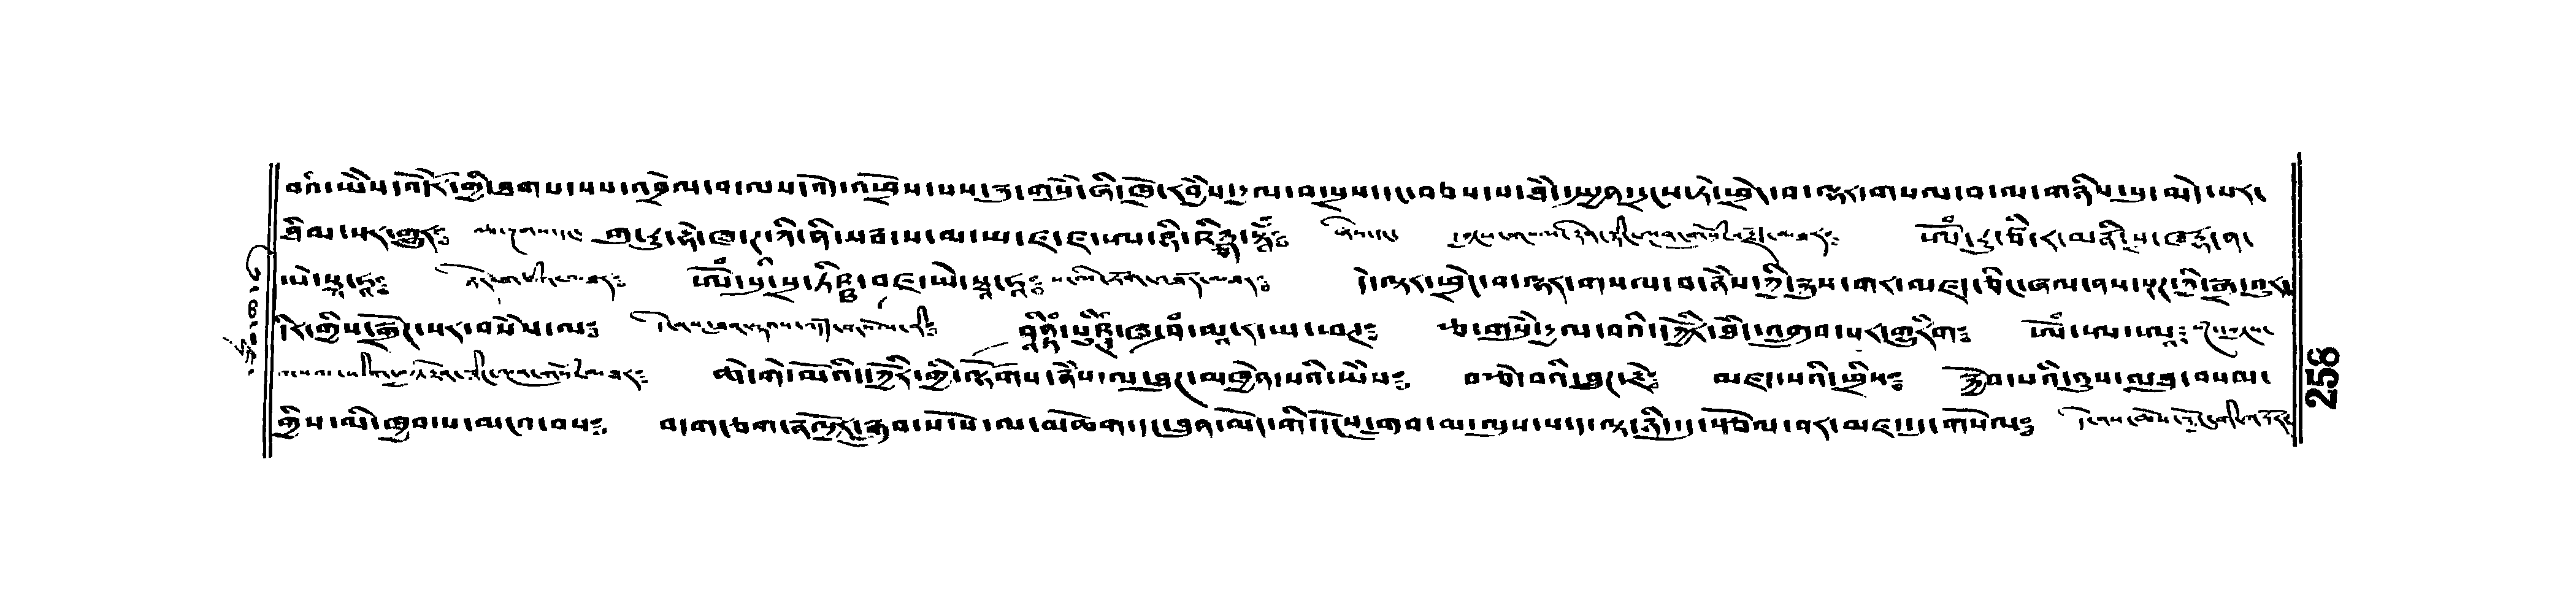བའི་ཡེ་ཤེས་འོད་ཟེར་གྱི་ཐག་པས་འབྲེལ་བ་ལས་འོད་འཕྲོས་པས་སྐུ་གསུམ་ཞི་ཁྲོ་རབ་འབྱམས་རྒྱལ་བ་སྲས་དང་བཅས་པ་ཐམས་ཅད་སྤྱན་དྲངས་ཏེ་ཕྲེང་བ་ལྷར་གསལ་བ་ལ་གཉིས་སུ་མེད་པར་
ཐིམ་པར་གྱུར༔ རྩ་སྔགས་དང༔ གུ་རུ་དྷེ་ཝ་ཌཱ་ཀི་ནི་སརྦ་ས་མ་ཡ་ཛ་ཛ་ཨ་བྷི་རིཉྩ་སྟྭྃ༔ ཞེས་དང༔ དབྱངས་གསལ་རྟེན་སྙིང་ལན་གསུམ་བརྗོད་མཐར༔ ཨོཾ་རུ་ཙི་ར་མརྣི་པྲ་ཝརྡྷ་ན་
ཡེ་སྭཱ་ཧཱཿ ཉེར་གཅིག་མཐར༔ ཨོཾ་སུ་པྲ་ཏིཥྛ་བཛྲ་ཡེ་སྭཱ་ཧཱ༔ ས་མེ་ཏོག་འཐོར་མཐར༔ དེ་ལྟར་ཕྲེང་བ་ལྷར་གསལ་བ་རྣམས་ཀྱི་སྐུས་གར་མཛད་ཅིང་ཞལ་ནས་སྔགས་ཀྱི་སྒྲ་འུར་
དིར་གྱིས་སྒྲོག་པར་བསམ་ལ༔ དེ་ནས་ཐུན་སྐབས་འདོད་གསོལ་ནི༔ ཤཱནྟི་པུཥྚིཾ་ཝ་ཤཾ་མཱ་ར་ཡ་ཕཊ༔ རྩ་གསུམ་རྒྱལ་བའི་དཀྱིལ་འཁོར་ཐམས་ཅད་འགྲུབ་པར་གྱུར་ཅིག༔ ཨོཾ་ཨ་ཨཱ༴ སོགས་དབྱངས་
གསལ་ཡིག་བརྒྱ་རྟེན་སྙིང་ལན་གསུམ་མཐར༔ ཆེ་གེ་མོའི་དཀྱིལ་འཁོར་གྱི་ལྷ་ཚོགས་རྣམས་ལ་ཐུགས་མཁྱེན་པའི་ཡེ་ཤེས༔ བརྩེ་བའི་ཐུགས་རྗེ༔ མཛད་པའི་ཕྲིན་ལས༔ སྐྱོབ་པའི་ནུས་མཐུ་བསམ་
གྱིས་མི་ཁྱབ་པ་མངའ་བས༔ བདག་ཅག་རྣལ་འབྱོར་སྒྲུབ་པ་པོ་ལ་མཆོག་དང་ཐུན་མོང་གི་དངོས་གྲུབ་མ་ལུས་པ་ད་ལྟ་ཉིད་དུ་སྩོལ་བར་མཛད་དུ་གསོལ༔དེ་ནས་ཆོས་སྐྱོང་གི་གཏོར་